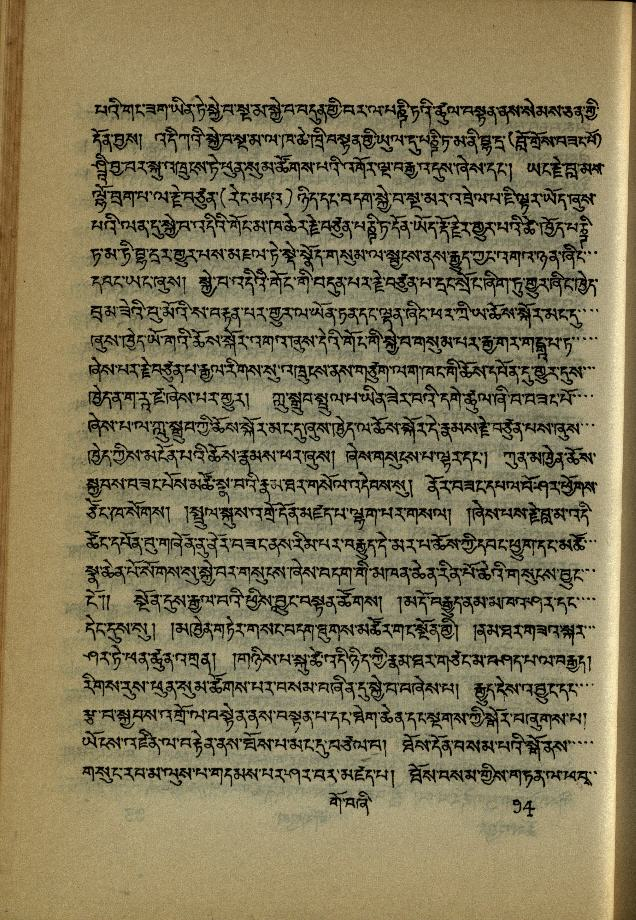པའི་གང་ཟག་ཡིན་ཏེ་སྐྱེ་བ་སྔ་མ་སྐྱེ་བ་བདུན་གྱི་བར་ལ་པཎྜི་ཏའི་ཚུལ་བསྟན་ནས་སེམས་ཅན་གྱི་
དོན་བྱས། འདི་ཀའི་སྐྱེ་བ་སྔ་མ་ལ་ཁ་ཆེ་ཁྲི་བསྟན་གྱི་ཡུལ་དུ་པཎྜི་ཏ་མ་ནི་བྷ་དྲ་བློ་གྲོས་བཟང་པོ
ཤྲཱི་བྱ་བར་སྐུ་འཁྲུངས་ཏེ་ཕུན་སུམ་ཚོགས་པའི་འགོར་ལྔ་བརྒྱ་འདུས་ཞེས་དང་། ཡང་རྗེ་བླ་མས་
ལྷོ་བྲག་པ་ལ་རྗེ་བཙུན་རེང་མདའ་ཉིད་དང་བདག་སྐྱེ་བ་སྔ་མར་འབྲེལ་པ་ཇི་ལྟར་ཡོད་ཞུས་
པའི་ལན་དུ་སྐྱེ་བ་འདིའི་གོང་མ་ཁ་ཆེར་རྗེ་བཙུན་པཎྜི་ཏ་དོན་ཡོད་རྡོ་རྗེར་གྱུར་པའི་ཚེ་ཁྱོད་པཎྜི་
ཏ་མ་ཏི་བྷ་དྲར་གྱུར་པས་མཇལ་ཏེ་སྡེ་སྣོད་གསུམ་ལ་སྦྱངས་ནས་རྒྱུད་ཀྱང་འགའ་ཉན་ཞིང་
དབང་ཡང་ཞུས། སྐྱེ་བ་འདིའི་གོང་གི་བདུན་པར་རྗེ་བཙུན་པ་དྲང་སྲོང་ཞིག་ཏུ་གྱུར་ཞིང་ཁྱེད་
བྲམ་ཟེའི་བུ་མོའི་ས་བརྟན་པར་གྱུར་ལ་ཡོན་ཏན་དང་ལྡན་ཞིང་ཕར་ཀྲི་ཡ་ཆོས་སྐོར་མང་དུ་
ཞུས་ཁྱེད་ཡོ་གའི་ཆོས་སྐོར་འགའ་ཞུས་དེའི་གོང་གི་སྐྱེ་བ་གསུམ་པར་རྒྱ་གར་གངྒཱ་པ་ཏ་
ཞེས་པར་རྗེ་བཙུན་པ་རྒྱལ་རིགས་སུ་འཁྲུངས་ནས་གཙུག་ལག་ཁང་གི་ཆོས་དཔོན་དུ་གྱུར་དུས་
ཁྱེད་ན་ག་རཱ་ཛ་ཞེས་པར་གྱུར། ཀླུ་སྒྲུབ་སྤྲུལ་པ་ཡིན་ཟེར་བའི་དགེ་ཚུལ་ཞི་བ་བཟང་པོ་
ཞེས་པ་ལ་ཀླུ་སྒྲུབ་ཀྱི་ཆོས་སྐོར་མང་དུ་ཞུས་ཁྱེད་ལ་ཆོས་སྐོར་དེ་རྣམས་རྗེ་བཙུན་པས་ཞུས་
ཁྱེད་ཀྱིས་མངོན་པའི་ཆོས་རྣམས་པར་ཞུས། ཞེས་གསུངས་པ་ལྟར་དང་། ཀུན་མཁྱེན་ཆོས་
སྐྱབས་བཟང་པོས་མཚོ་སྣ་བའི་རྣམ་ཐར་གསོལ་འདེབས་སུ། ནོར་བཟང་དཔལ་བོ་ཤར་ཕྱོགས་
ཙོང་ཁ་སོགས། །སྤྲུལ་སྐུས་འགྲོ་དོན་མཛད་པ་ལྷག་པར་གསལ། །ཞེས་པས་རྗེ་བླ་མ་འདི་
ཚོང་དཔོན་བུ་གཞོན་ནུ་ནོར་བཟང་ནས་རིམ་པར་བརྒྱུད་དེ་མར་པ་ཆོས་ཀྱི་དབང་ཕྱུག་དང་མཚོ་
སྣ་ཆེན་པོ་སོགས་སུ་སྐྱེ་བར་གསུངས་ཞེས་བདག་གི་མཁན་ཆེན་རིན་པོ་ཆེའི་གསུངས་བྱུང་
ངོ།། སྔོན་དུས་རྒྱལ་བའི་ཕྱིས་བྱུང་བསྟན་ཚོགས། །མདོ་བརྒྱུད་ནམ་མཁའ་ཤར་དང་
དེང་དུས་སུ། །མཁྱེན་གཏེར་གསང་བདག་ཐུགས་མཚོར་གང་སྔོན་གྱི། །ནམ་ཐར་གཟའ་སྐར་
ཤར་ཏེ་ཕན་ཚུན་འགྲན། །གཉིས་པ་སྐུ་ཚེ་འདི་ཉིད་ཀྱི་རྣམ་ཐར་གཙང་མ་བཤད་པ་ལ་བརྒྱད།
རིགས་རུས་ཕུན་སུམ་ཚོགས་པར་བསམ་བཞིན་དུ་སྐྱེ་བ་བཞེས་པ། རྒྱུད་ངེས་འབྱུང་དང་
རྩ་བ་སྐྱབས་འགྲོ་ལ་བསྟེན་ནས་བསྟན་པ་དང་ཐེག་ཆེན་དང་སྔགས་ཀྱི་སྒོར་བཞུགས་པ།
ཡོངས་འཛིན་ལ་བརྟེན་ནས་ཐོས་པ་མང་དུ་བཙལ་བ། ཐོས་དོན་བསམ་པའི་སྒོ་ནས་
གསུང་རབ་མ་ལུས་པ་གདམས་པར་ཤར་པར་མཛད་པ། ཐོས་བསམ་གྱིས་གཏན་ལ་ཕབས་